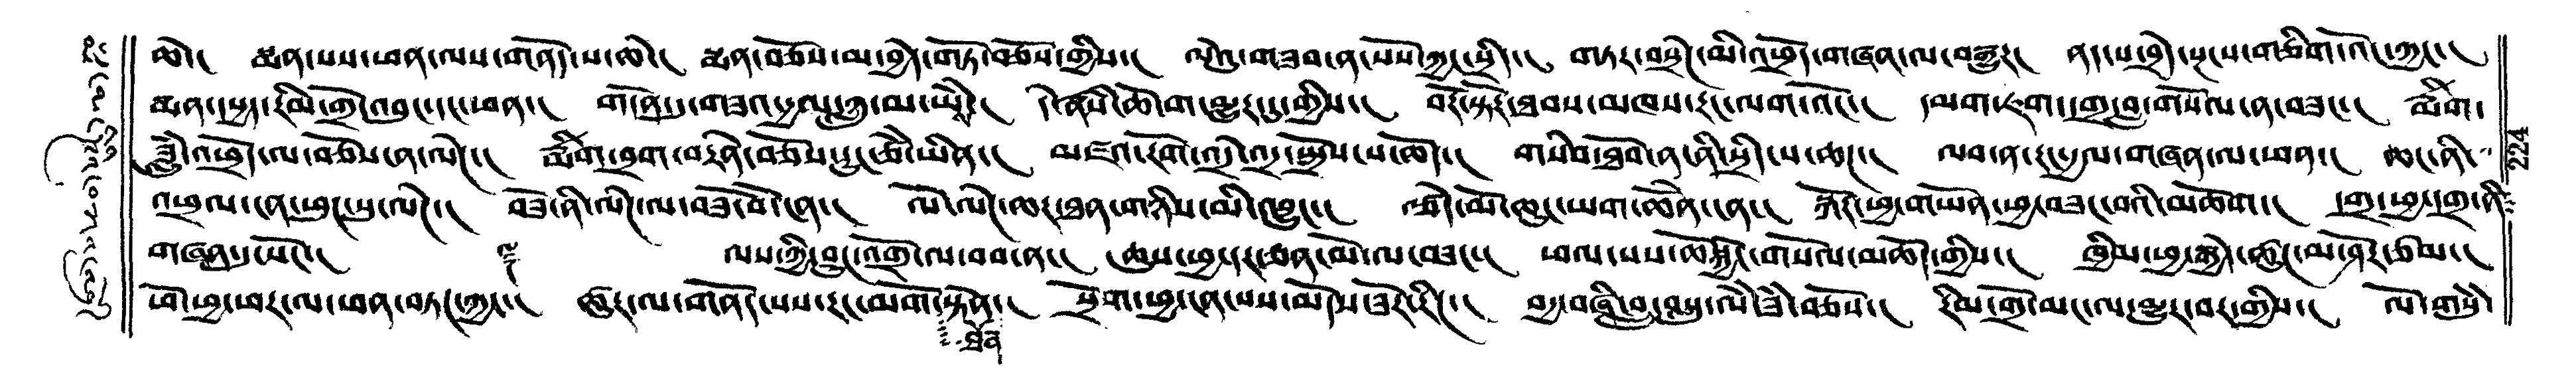ཆེ། །སྨན་པས་ཕན་ལས་གནོད་པ་ཆེ། །སྨན་བཅོས་མ་བྱེད་གཏོ་བཅོས་གྱིས། །ལེའུ་གཟབ་ན་གསོས་ཀྱང་སྲིད། །གཏར་སྲེག་མི་འཕྲོད་གཞན་ལ་སྒྱུར། །ནད་པ་བྲེད་སྔ་གཅིག་འོང་ཀྱང་། །
སྨན་དཔྱད་རིམ་འགྲོ་འབུངས་དང་ཕན། །གདོན་དུ་གཟའ་རྒྱལ་ཀླུ་མ་ཡམས། །དེ་རྣམས་ཆོ་ག་མྱུར་དུ་གྱིས། །བོར་སྟོར་ཐབས་མཁས་རང་ལག་འོང་། །དམག་ཇག་དགྲ་བླ་གསོལ་ན་བཟང། །རྨིག་
ཟླུམ་འཕྲོད་ལ་བཅོས་ན་ལེགས། །རྨིག་དབྲག་བརྟེན་བཅོས་རུང་ཙམ་ཡིན། །མཛའ་རོགས་འདྲེ་འདྲ་སྤྲོས་པ་ཆོད། །གསེབ་བཏང་ན་ནི་སྲིད་པ་ཆགས། །ལབ་ན་རང་རྒྱལ་གཞན་ལ་ཕན། །ཆང་ནི་
འཕྲལ་ངན་ཕུགས་སུ་ལེགས། །བཟོ་ནི་ལེགས་ལ་བཟོ་བོ་ངན། །ལོ་ལེགས་ཆར་ཐན་གཉིས་མི་འབྱུང་། །རྩེད་མོ་ཆུང་ཡག་ཆེན་པོ་ངན། །སྐོར་ཕྱྭ་གཡོན་ཕྱྭ་བཟང་བའི་མཆོག །དགྲ་ཕྱྭ་དགྲ་ནི་
གཞན་དུ་སོང་། ༈ །ལས་ཀྱི་བྱུང་འགྲོ་ལ་བབ་ན། ཆུས་ཕྱྭ་དར་ཅན་མོ་ལ་བཟང་། །ཕལ་པས་ཆོས་སྐྱོང་གསོལ་མཆོད་གྱིས། །ཁྱིམ་ཕྱྭ་སྒྱེད་ཚུགས་མ་ཤོར་ཙམ། །
ཕོ་ཕྱྭ་ཕར་ལ་ཕན་བཏགས་ཀྱང་། །ཚུར་ལ་གནོད་པས་རང་མགོ་ཐོན། །སྲོག་ཕྱྭ་ངན་པས་མདོས་ཟེར་རིགས། །བརྒྱ་བཞི་བླ་བསླུ་ལམ་ཟམ་བཅོས། །རིམ་གྲོ་མང་ལ་མྱུར་བར་གྱིས། །ལོ་གསུམ་